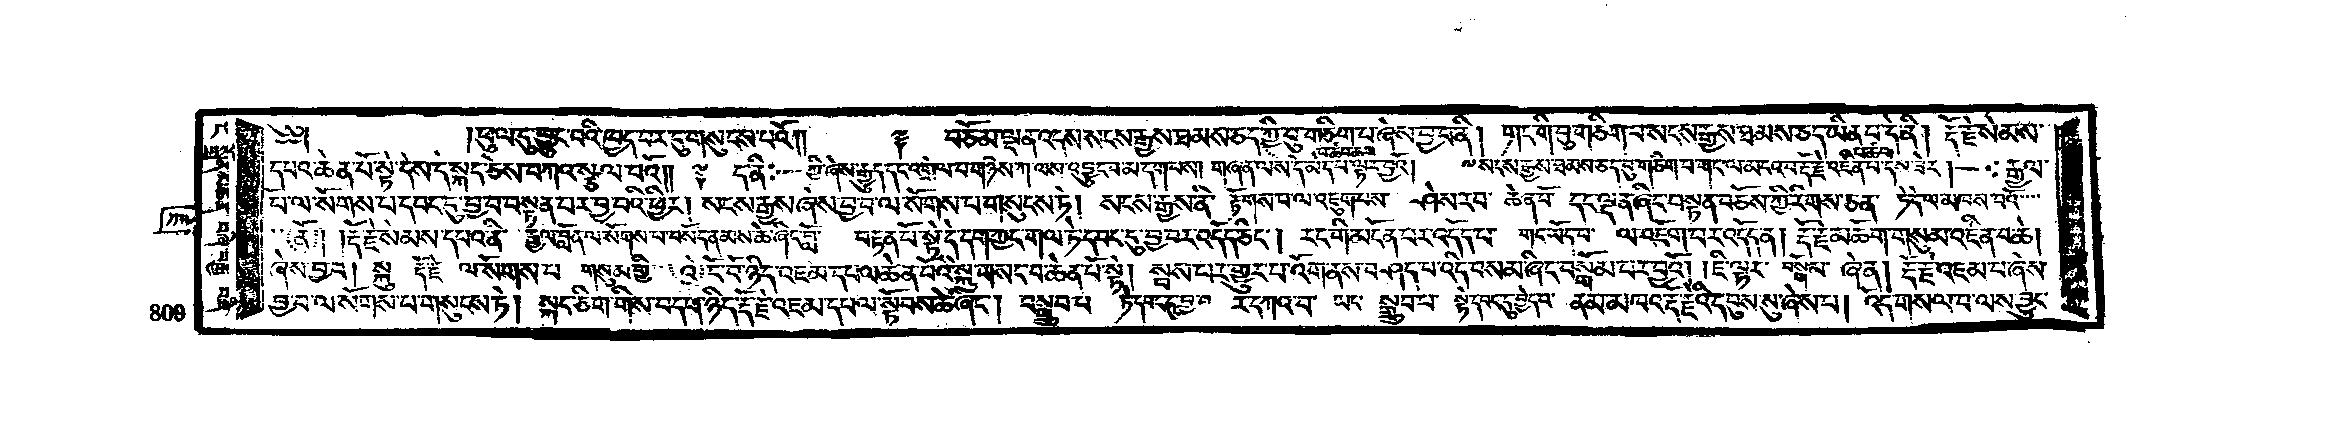༄༅། །ཕུལ་དུ་བྱུང་བའི་ཁྱད་པར་དུ་གསུངས་པའོ།། ༈ བཅོམ་ལྡན་འདས་སངས་རྒྱས་ཐམས་ཅད་ཀྱི་བུ་གཅིག་པ་ཞེས་བྱ་བ་ནི། གང་གི་བུ་གཅིག་པ་སངས་རྒྱས་ཐམས་ཅད་ཡིན་པ་དེ་ནི། རྡོ་རྗེ་སེམས་
དཔའ་ཆེན་པོ་སྟེ་དེས་དེ་སྐད་ཅེས་བཀའ་སྩལ་པའོ།། ༈ ད་ནིཿ་ཀྱི་ཞེས་རྒྱུད་དང་འགྲེལ་པ་གཉིས་ཀ་ལས་འབྱུང་བ་མ་དག་པས། གཟན་ལས་དེ་མེད་པ་ལྟར་བྱའོ་པ་ཚབ་ཆག། ༧སངས་རྒྱས་ཐམས་ཅད་བུ་གཅིག་པ་གང་ལ་མངའ་བ་རྡོ་རྗེ་འཛིན་པ་ཚབ་པ་དེས་ཟེར།  .H རྒྱལ་
པོ་ལ་སོགས་པ་དབང་དུ་བྱ་བ་བསྟན་པར་བྱ་བའི་ཕྱིར། སངས་རྒྱས་ཞེས་བྱ་བ་ལ་སོགས་པ་གསུངས་ཏེ། སངས་རྒྱས་ནི་རྟོགས་པ་ལ་འཇུག་པས་ཤེས་རབ་ཆེན་པོ་དང་ལྡན་ཞིང་བསྟན་བཅོས་ཀྱི་རིགས་ཅན་ཏེ་དེ་ལ་མཁས་པའོ
ནོ། །རྡོ་རྗེ་སེམས་དཔའ་ནི་རྒྱལ་བློན་ལ་སོགས་པ་བསོད་ནམས་ཆེ་ཞིང་བློ་བརྟེན་པོ་སྟེ་དེ་དག་ཀྱང་གལ་ཏེ་དབང་དུ་བྱ་བར་འདོད་ཅིང་། རང་གི་མངོན་པར་འདོད་པ་གང་ཡོད་པ་ལ་འཇོག་པར་འདོད་ན། རྡོ་རྗེ་མཆོག་གསུམ་འཛིན་པ་ཆེ།
ཞེས་བྱ་བ། སྐུ་རྡོ་རྗེ་ལ་སོགས་པ་གསུམ་གྱི་འི་ངོ་བོ་ཉིད་འཇམ་དཔལ་ཆེན་པོའི་སྐུ་གསང་བ་ཆེན་པོ་སྟེ། སྦས་པར་གྱུར་པ་འོག་ནས་བཤད་པ་འདི་བསམ་ཞིང་བསྒོམ་པར་བྱའོ། །ཇི་ལྟར་བསྒོམ་ཞེ་ན། རྡོ་རྗེ་འཇམ་པ་ཞེས་
བྱ་བ་ལ་སོགས་པ་གསུངས་ཏེ། སྐད་ཅིག་གིས་བདག་ཉིད་རྡོ་རྗེ་འཇམ་དཔལ་སྟོབས་ཆེན་ཞིང་། བསྒྲུབ་པ་ཏེ་དབང་དུ་བྱ་བར་དཀའ་བ་ཡང་སྒྲུབ་པ་སྟེ་དབང་དུ་བྱེད་པ་ནམ་མཁའ་རྡོ་རྗེའི་དབུས་སུ་ཞེས་པ། འོད་གསལ་བ་ལས་བྱུང་